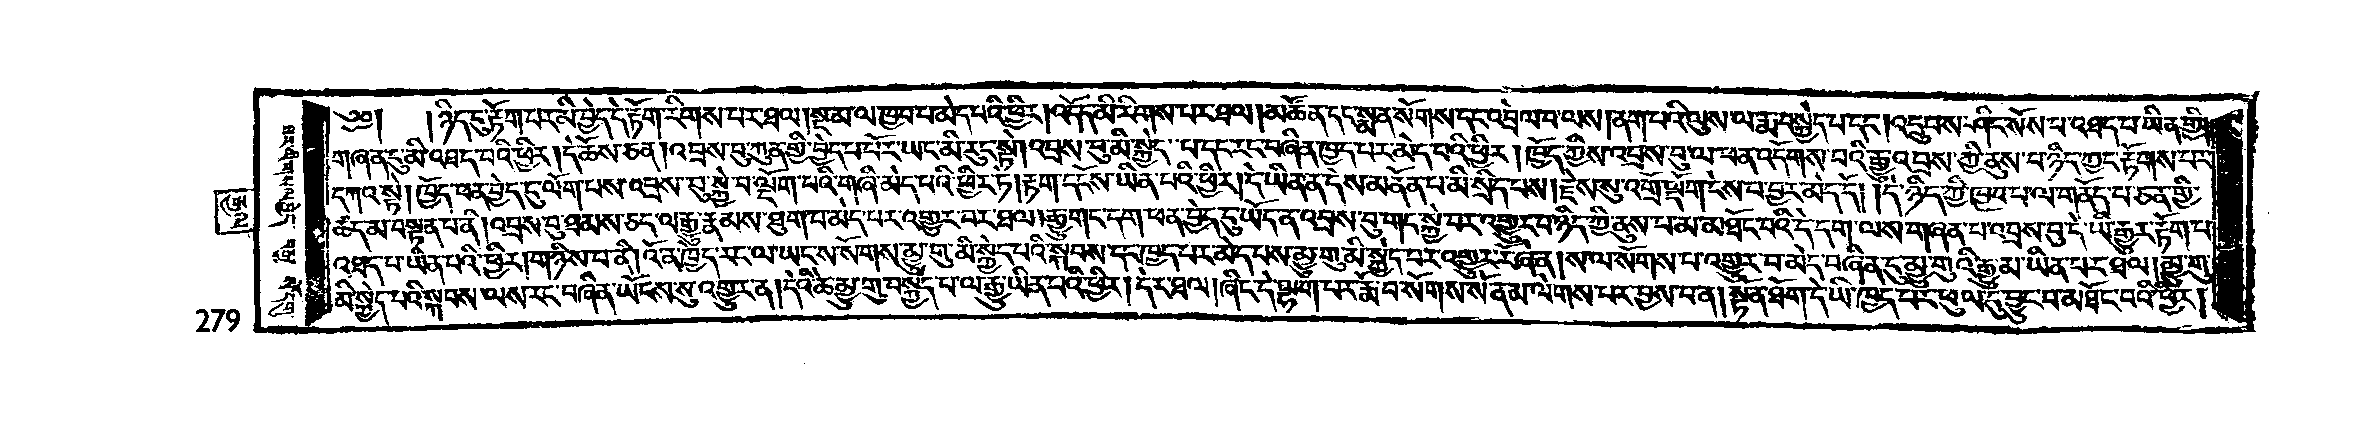༄༅། །ཉིད་དུ་རྟོག་པར་མི་བྱེད་དེ་རྟོག་རིགས་པར་ཐལ། སྔ་མ་ལ་ཁྱབ་པ་མེད་པའི་ཕྱིར། འདོད་མི་རིགས་པར་ཐལ། མཚོན་དང་སྨན་སོགས་དང་འབྲེལ་བ་ལས། ནག་པའི་ལུས་ལ་རྨ་བསྐྱེད་པ་དང་། འདྲུབ་ས་ཤིང་སོས་པ་འཐད་པ་ཡིན་གྱི།
གཞན་དུ་མི་འཐད་པའི་ཕྱིར། དེ་ཆོས་ཅན། འབྲས་བུ་ཀུན་གྱི་བྱེད་པ་པོར་ཡང་མི་རུང་སྟེ། འབྲས་བུ་མི་སྐྱེད་པ་དང་རང་བཞིན་ཁྱད་པར་མེད་པའི་ཕྱིར། ཁྱོད་ཀྱིས་འབྲས་བུ་ལ་ཕན་འདོགས་པའི་རྒྱུ་འབྲས་ཀྱི་ནུས་པ་ཉིད་ཀྱང་རྟོགས་པར་
དཀའ་སྟེ། ཁྱོད་ཕན་བྱེད་དུ་ལོག་པས་འབྲས་བུ་སྐྱེ་བ་ལྡོག་པའི་གཞི་མེད་པའི་ཕྱིར་ཏེ། རྟག་དངོས་ཡིན་པའི་ཕྱིར། དེ་ཡིན་ན་དེས་མནོན་པ་མི་སྲིད་པས། རྗེས་སུ་འགྲོ་ལྡོག་ངེས་པ་བྱར་མེད་དོ། །དེ་ཉིད་ཀྱི་ཁྱབ་པ་ལ་གནོད་པ་ཅན་གྱི་
ཚད་མ་བསྟན་པ་ནི། འབྲས་བུ་ཐམས་ཅད་ལ་རྒྱུ་རྣམས་ཐུག་པ་མེད་པར་འགྱུར་བར་ཐལ། རྒྱུ་གང་དག་ཕན་བྱེད་དུ་ཡོད་ན་འབྲས་བུ་གང་སྐྱེ་བར་འགྱུར་བ་ཉིད་ཀྱི་ནུས་པ་མ་མཐོང་བའི་དེ་དག་ལས་གཞན་པ་འབྲས་བུ་དེ་ཡི་རྒྱུར་རྟོག་པ་
འཐད་པ་ཡིན་པའི་ཕྱིར། གཉིས་པ་ནི། འོ་ན་ཁྱེད་རང་ལ་ཡང་ས་སོགས་མྱུ་གུ་མི་སྐྱེད་པའི་སྐབས་དང་ཁྱད་པར་མེད་པས་མྱུ་གུ་མི་སྐྱེད་པར་འགྱུར་རོ་ཞེ་ན། ས་ལ་སོགས་པ་འགྱུར་བ་མེད་བཞིན་དུ་མྱུ་གུའི་རྒྱུ་མ་ཡིན་པར་ཐལ། མྱུ་གུ་
མི་སྐྱེད་པའི་སྐབས་ལས་རང་བཞིན་ཡོངས་སུ་འགྱུར་ན། དེའི་ཚེ་མྱུ་གུ་བསྐྱེད་པ་ལ་རྒྱུ་ཡིན་པའི་ཕྱིར། དེར་ཐལ། ཞིང་དེ་ལྷག་པར་རྨོ་བ་སོགས་སོ་ནམ་ལེགས་པར་བྱས་པ་ན། སྟོན་ཐོག་དེ་ཡི་ཁྱད་པར་ཕུལ་དུ་བྱུང་བ་མཐོང་བའི་ཕྱིར།